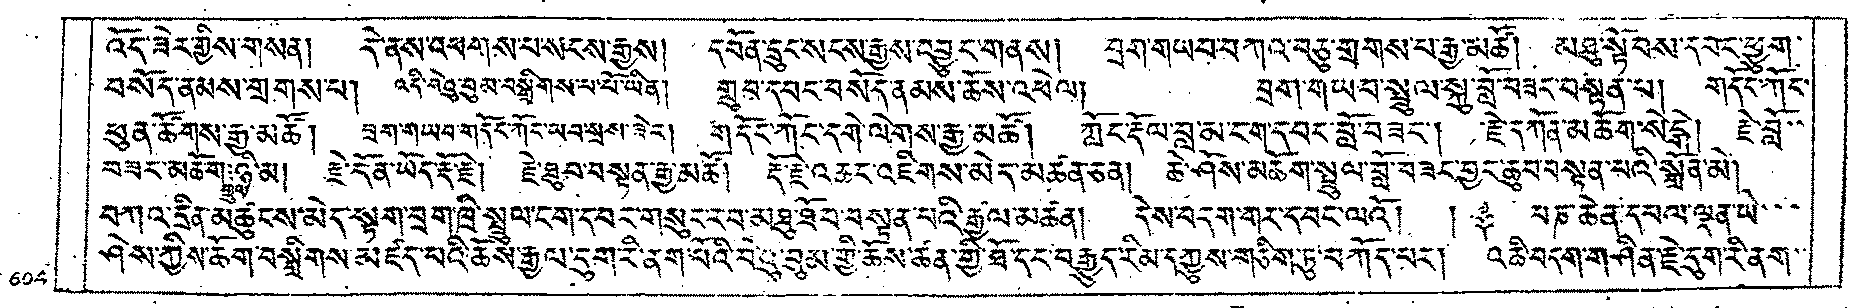འོད་ཟེར་གྱིས་གསན། དེ་ནས་འཕགས་པ་སངས་རྒྱས། དབོན་དྲུང་སངས་རྒྱས་འབྱུང་གནས། བྲག་གཡབ་བཀའ་བཅུ་གྲགས་པ་རྒྱ་མཚོ། མཐུ་སྟོབས་དབང་ཕྱུག་
བསོད་ནམས་གྲགས་པ། འདི་བེའུ་བུམ་བསྒྲིགས་པ་པོ་ཡིན།  གྲུབ་དབང་བསོད་ནམས་ཆོས་འཕེལ། བྲག་གཡབ་སྤྲུལ་སྐུ་བློ་བཟང་བསྟན་པ། གདོང་ཀོང་
ཕུན་ཚོགས་རྒྱ་མཚོ། བྲག་གཡབ་གདོང་ཀོང་ཡབ་སྲས་ཟེར།  གདོང་ཀོང་དགེ་ལེགས་རྒྱ་མཚོ། ཀློང་རྡོལ་བླ་མ་ངག་དབང་བློ་བཟང་། རྗེ་དཀོན་མཆོག་སེངྒེ། རྗེ་བློ་
བཟང་མཆོག་གྲུབ་ཉི་མ། རྗེ་དོན་ཡོད་རྡོ་རྗེ། རྗེ་ཐུབ་བསྟན་རྒྱ་མཚོ། རྡོ་རྗེ་འཆང་འཇིགས་མེད་མཚན་ཅན། ཆེ་ཤོས་མཆོག་སྤྲུལ་བློ་བཟང་བྱང་ཆུབ་བསྟན་པའི་སྒྲོན་མེ།
བཀའ་དྲིན་མཚུངས་མེད་སྟག་བྲག་ཁྲི་སྤྲུལ་ངག་དབང་གསུང་རབ་མཐུ་ཐོབ་བསྟན་པའི་རྒྱལ་མཚན། དེས་བདག་གར་དབང་ལའོ། ། ༈ པཎ་ཆེན་དཔལ་ལྡན་ཡེ་
ཤེས་ཀྱིས་ཆོག་བསྒྲིགས་མཛད་པའི་ཆོས་རྒྱལ་དུག་རི་ནག་པོའི་བེའུ་བུམ་གྱི་ཆོས་ཚན་གྱི་ཐོ་དང་བརྒྱུད་རིམ་དཀྱུས་གཅིག་ཏུ་བཀོད་པར། འཆི་བདག་གཤིན་རྗེ་དུག་རི་ནག་